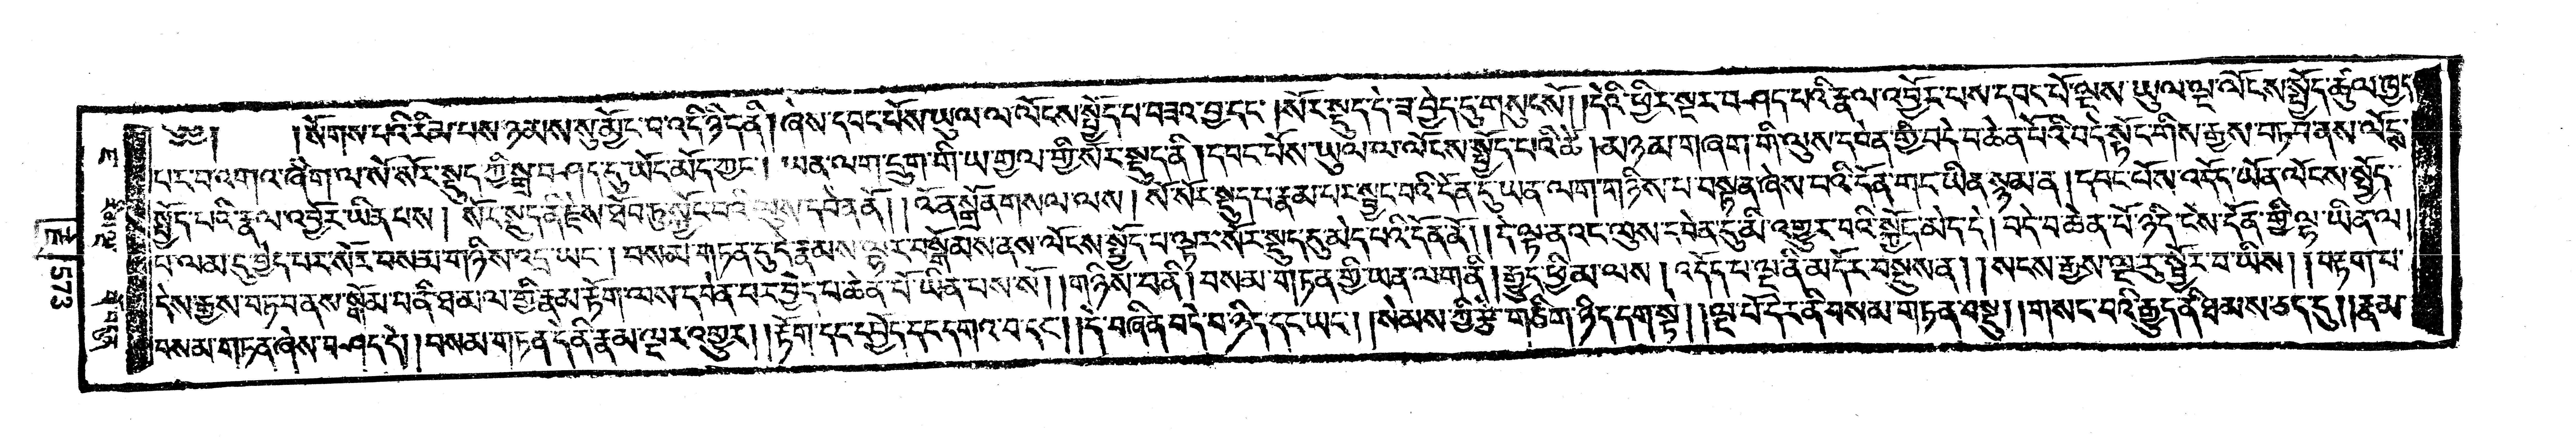༄༅། །སོགས་པའི་རིམ་པས་ཉམས་སུ་མྱོང་བ་འདི་ཉིད་ནི། ཞེས་དབང་པོས་ཡུལ་ལ་ལོངས་སྤྱོད་པ་བཟའ་བྱ་དང་། སོར་སྡུད་དེ་ཟ་བྱེད་དུ་གསུངས་སོ། །དེའི་ཕྱིར་སྟར་བཤད་པའི་རྣལ་འབྱོར་པས་དབང་པོ་ལྔས་ཡུལ་ལྔ་ལོངས་སྤྱོད་ཚུལ་ཁྱད་
པར་བ་འགའ་ཞིག་ལ་སོ་སོར་སྡུད་ཀྱི་སྒྲ་བཤད་དུ་ཡོད་མོད་ཀྱང་། ཡན་ལག་དྲུག་གི་ཡ་གྱལ་གྱི་སོར་སྡུད་ནི། དབང་པོས་ཡུལ་ལ་ལོངས་སྤྱོད་པའི་ཚེ། མཉམ་གཞག་གི་ལུས་དབེན་གྱི་བདེ་བ་ཆེན་པོའི་བདེ་སྟོང་གིས་རྒྱས་བཏབ་ནས་ལོངས་
སྤྱོད་པའི་རྣལ་འབྱོར་ཡིན་པས། སོར་སྡུད་ནི་རྗེས་ཐོབ་ཏུ་སྦྱོང་བའི་ལུས་དབེན་ནོ། །འོ་ན་སྒྲོན་གསལ་ལས། སོ་སོར་སྡུད་པ་རྣམ་པར་སྦྱང་བའི་དོན་དུ་ཡན་ལག་གཉིས་པ་བསྟན་ཞེས་པའི་དོན་གང་ཡིན་སྙམ་ན། དབང་པོས་འདོད་ཡོན་ལོངས་སྤྱོད་
པ་ལམ་དུ་བྱེད་པར་སོར་བསམ་གཉིས་འདྲ་ཡང་། བསམ་གཏན་དུ་དེ་རྣམས་ལྷར་བསྒོམས་ནས་ལོངས་སྤྱོད་པ་ལྟར་སེར་སྡུད་དུ་མེད་པའི་དོན་ནོ། །དེ་ལྟ་ནའང་ལུས་དབེན་དུ་མི་འགྱུར་བའི་སྐྱོན་མེད་དེ། བདེ་བ་ཆེན་པོ་ཉིད་ངེས་དོན་གྱི་ལྷ་ཡིན་ལ།
དེས་རྒྱས་བཏབ་ནས་སྒོམ་པ་ནི་ཐ་མལ་གྱི་རྣམ་རྟོག་ལས་དབེན་པར་བྱེད་པ་ཆེན་པོ་ཡིན་པས་སོ། །གཉིས་པ་ནི། བསམ་གཏན་གྱི་ཡན་ལག་ནི། རྒྱུད་ཕྱི་མ་ལས། འདོད་པ་ལྔ་ནི་མདོར་བསྡུས་ན། །སངས་རྒྱས་ལྔ་རུ་སྦྱོར་བ་ཡིས། །བརྟག་པ་
བསམ་གཏན་ཞེས་བཤད་དེ། །བསམ་གཏན་དེ་ནི་རྣམ་ལྔར་འགྱུར། །རྟོག་དང་དཔྱོད་དང་དགའ་བ་དང་། །དེ་བཞིན་བདེ་བ་ཉིད་དང་ཡང་། །སེམས་ཀྱི་རྩེ་གཅིག་ཉིད་དག་སྟེ། །ལྔ་པོ་དེར་ནི་བསམ་གཏན་བསྡུ། །གསང་བའི་རྒྱུད་ནི་ཐམས་ཅད་དུ། །རྣམ་